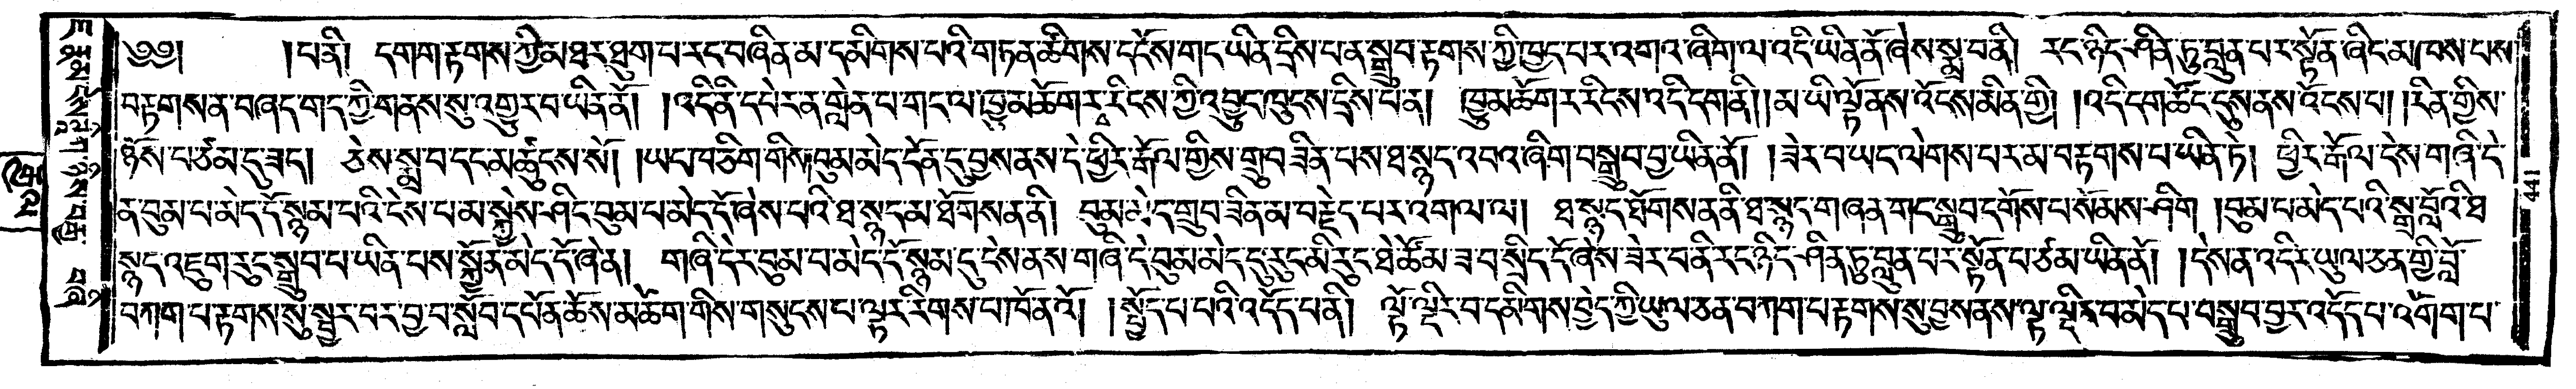༄༅། །པ་ནི། དགག་རྟགས་ཀྱི་མཐར་ཐུག་པ་རང་བཞིན་མ་དམིགས་པའི་གཏན་ཚིགས་དངོས་གང་ཡིན་དྲིས་པ་ན་སྒྲུབ་རྟགས་ཀྱི་ཁྱད་པར་འགའ་ཞིག་ལ་འདི་ཡིན་ནོ་ཞེས་སྨྲ་བ་ནི། རང་ཉིད་ཤིན་ཏུ་བླུན་པར་སྟོན་ཞིང་མཁས་པས་
བརྟགས་ན་བཞད་གད་ཀྱི་གནས་སུ་འགྱུར་བ་ཡིན་ནོ། །འདི་ནི་དཔེར་ན་གླེན་པ་གང་ལ་ཁྱུ་མཆོག་རྭ་རིངས་ཀྱི་འབྱུང་ཁུངས་དྲིས་པ་ན། ཁྱུ་མཆོག་ར་རིངས་འདི་དག་ནི། །མ་ཡི་ལྟོ་ནས་འོངས་མིན་གྱི། །འདི་དག་ཚོང་དུས་ནས་འོངས་པ། །རིན་གྱིས་
ཉོས་པ་ཙམ་དུ་ཟད། ཅེས་སྨྲ་བ་དང་མཚུངས་སོ། །ཡང་ཁ་ཅིག་གིས། བུམ་མེད་དོན་དུ་བྱས་ནས་དེ་ཕྱིར་རྒོལ་གྱིས་གྲུབ་ཟིན་པས་ཐ་སྙད་འབའ་ཞིག་བསྒྲུབ་བྱ་ཡིན་ནོ། །ཟེར་བ་ཡང་ལེགས་པར་མ་བརྟགས་པ་ཡིན་ཏེ། ཕྱིར་རྒོལ་དེས་གཞི་དེ་
ན་བུམ་པ་མེད་དོ་སྙམ་པའི་ངེས་པ་མ་སྐྱེས་ཤིང་བུམ་པ་མེད་དོ་ཞེས་པའི་ཐ་སྙད་མ་ཐོགས་ན་ནི། བུམ་མེད་གྲུབ་ཟིན་མ་བརྗེད་པར་འགལ་ལ། ཐ་སྙད་ཐོགས་ན་ནི་ཐ་སྙད་གཞན་གང་སྒྲུབ་དགོས་པ་སོམས་ཤིག །བུམ་པ་མེད་པའི་སྒྲ་བློའི་ཐ་
སྙད་འཇུག་རུང་སྒྲུབ་པ་ཡིན་པས་སྐྱོན་མེད་དོ་ཞེ་ན། གཞི་དེར་བུམ་པ་མེད་དོ་སྙམ་དུ་ངེས་ནས་གཞི་དེ་བུམ་མེད་དུ་རུང་མི་རུང་ཐེ་ཚོམ་ཟ་བ་སྲིད་དོ་ཞེས་ཟེར་བ་ནི་རང་ཉིད་ཤིན་ཏུ་བླུན་པར་སྟོན་པ་ཙམ་ཡིན་ནོ། །དེས་ན་འདིར་ཡུལ་ཅན་གྱི་བློ་
བཀག་པ་རྟགས་སུ་སྦྱར་བར་བྱ་བ་སློབ་དཔོན་ཆོས་མཆོག་གིས་གསུངས་པ་ལྟར་རིགས་པ་ཁོ་ན་འོ། །སྤྱོད་པ་པའི་འདོད་པ་ནི། ལྟོ་ལྡིར་བ་དམིགས་བྱེད་ཀྱི་ཡུལ་ཅན་བཀག་པ་རྟགས་སུ་བྱས་ནས་ལྟ་ལྡིར་བ་མེད་པ་བསྒྲུབ་བྱར་འདོད་པ་འགོག་པ་